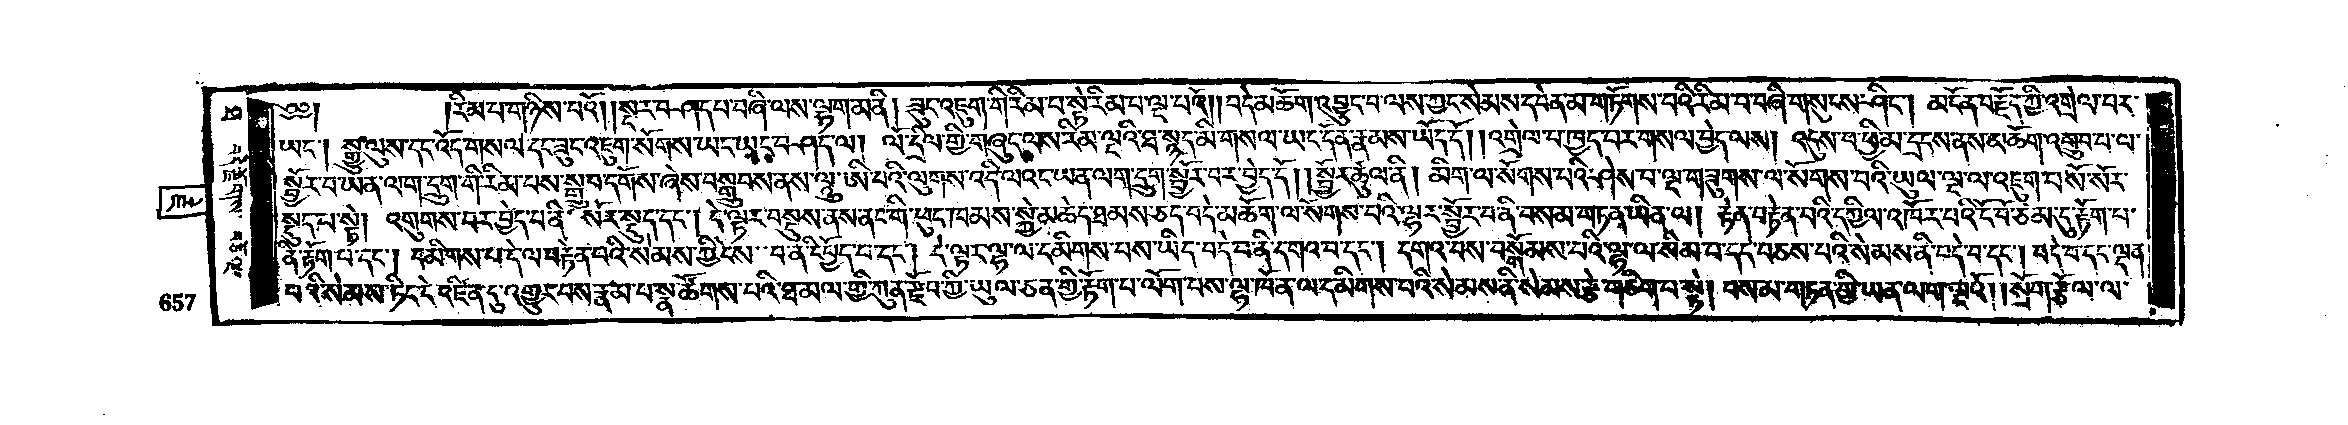༄༅། །རིམ་པ་གཉིས་པའོ། །སྔར་བཤད་པ་བཞི་ལས་ལྷག་མ་ནི། ཟུང་འཇུག་གི་རིམ་པ་སྟེ་རིམ་པ་ལྔ་པའོ། །བདེ་མཆོག་འབྱུང་བ་ལས་ཀྱང་སེམས་དབེན་མ་གཏོགས་པའི་རིམ་པ་བཞི་གསུངས་ཤིང་། མངོན་བརྗོད་ཀྱི་འགྲེལ་པར་
ཡང་། སྒྱུ་ལུས་དང་འོད་གསལ་དང་ཟུང་འཇུག་སོགས་ཡང་ཡང་བཤད་ལ། ལོ་དྲིལ་གྱི་གཞུང་ལས་རིམ་ལྔའི་ཐ་སྙད་མི་གསལ་ཡང་དོན་རྣམས་ཡོད་དོ། །འགྲེལ་པ་ཁྱད་པར་གསལ་བྱེད་ལས། འདུས་པ་ཕྱི་མ་དྲངས་ནས་མཆོག་འགྲུབ་པ་ལ་
སྦྱོར་བ་ཡན་ལག་དྲུག་གི་རིམ་པས་སྒྲུབ་དགོས་ཞེས་བསྒྲུབས་ནས་ལཱུ་ཨི་པའི་ལུགས་འདི་ལའང་ཡན་ལག་དྲུག་སྦྱོར་བར་བྱེད་དོ། །སྦྱོར་ཚུལ་ནི། མིག་ལ་སོགས་པའི་ཤེས་པ་ལྔ་གཟུགས་ལ་སོགས་པའི་ཡུལ་ལྔ་ལ་འཇུག་པ་སོ་སོར་
སྡུད་པ་སྟེ། འགུགས་པར་བྱེད་པ་ནི་སོར་སྡུད་དང་། དེ་ལྟར་བསྡུས་ནས་ནང་གི་ཕུང་ཁམས་སྐྱེ་མཆེད་ཐམས་ཅད་བདེ་མཆོག་ལ་སོགས་པའི་ལྷར་སྦྱོར་བ་ནི་བསམ་གཏན་ཡིན་ལ། རྟེན་བརྟེན་པའི་དཀྱིལ་འཁོར་བའི་ངོ་བོ་ཙམ་དུ་རྟོག་པ་
ནི་རྟོག་པ་དང་། དམིགས་པ་དེ་ལ་བརྟེན་པའི་སེམས་ཀྱི་ངེས་པ་ནི་དཔྱོད་པ་དང་། དེ་ལྟར་ལྷ་ལ་དམིགས་པས་ཡིད་བདེ་བ་ནི་དགའ་བ་དང་། དགའ་བས་བསྒོམས་པའི་ལྷ་ལ་སིམ་པ་དང་བཅས་པའི་སེམས་ནི་བདེ་བ་དང་། བདེ་བ་དང་ལྡན་
པའི་སེམས་ཏིང་ངེ་འཛིན་དུ་འགྱུར་བས་རྣམ་པ་སྣ་ཚོགས་པའི་ཐ་མལ་གྱི་ཀུན་རྫོབ་ཀྱི་ཡུལ་ཅན་གྱི་རྟོག་པ་ལོག་པས་ལྷ་ཁོ་ན་ལ་དམིགས་པའི་སེམས་ནི་སེམས་རྩེ་གཅིག་པ་སྟེ། བསམ་གཏན་གྱི་ཡན་ལག་ལྔའོ། །སྲོག་རྩོལ་ལ་